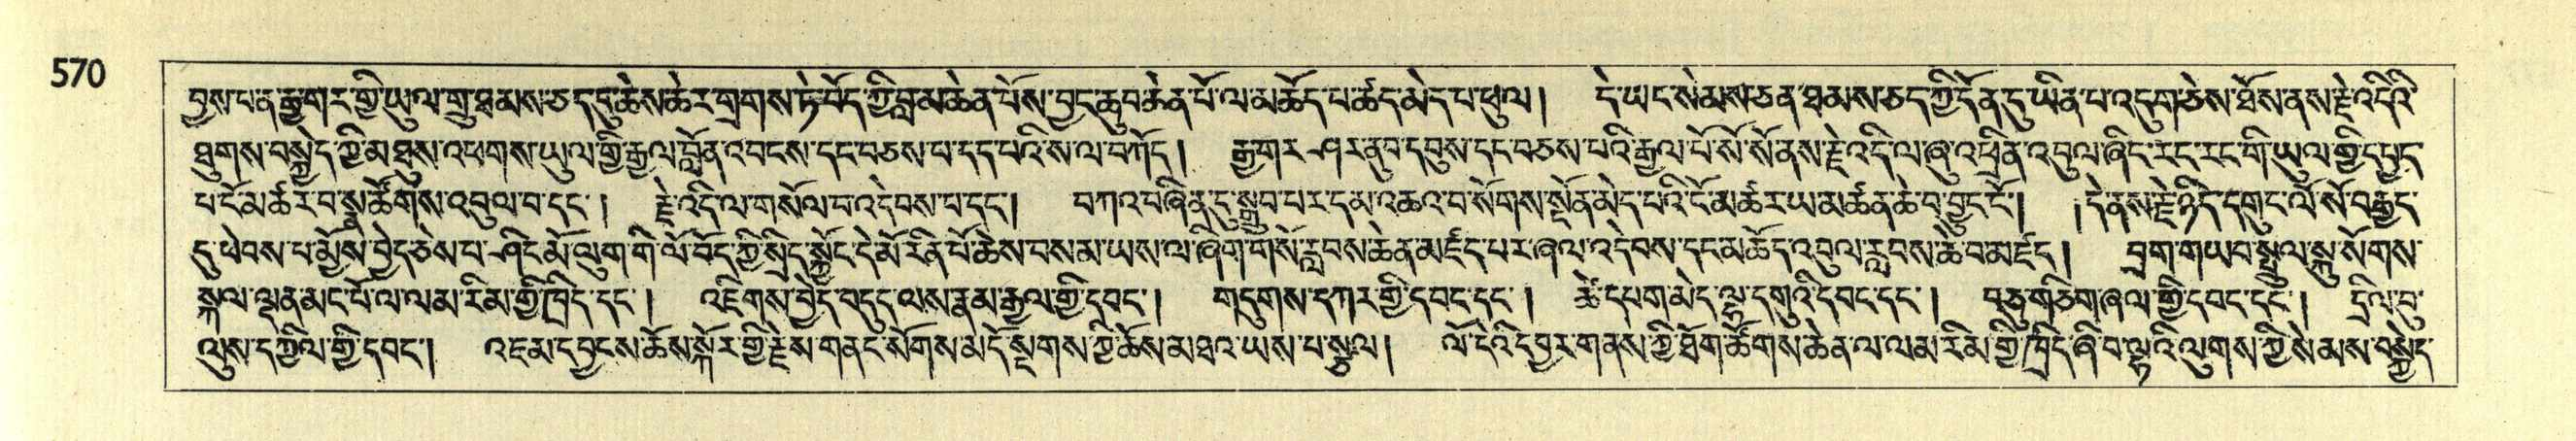བྱས་པ་ན་རྒྱ་གར་གྱི་ཡུལ་གྲུ་ཐམས་ཅད་དུ་ཆེས་ཆེར་གྲགས་ཏེ་བོད་ཀྱི་བླ་མ་ཆེན་པོས་བྱང་ཆུབ་ཆེན་པོ་ལ་མཆོད་པ་ཚད་མེད་པ་ཕུལ། དེ་ཡང་སེམས་ཅན་ཐམས་ཅད་ཀྱི་དོན་དུ་ཡིན་པ་འདུག་ཅེས་ཐོས་ནས་རྗེ་འདིའི་
ཐུགས་བསྐྱེད་ཀྱི་མཐུས་འཕགས་ཡུལ་གྱི་རྒྱལ་བློན་འབངས་དང་བཅས་པ་དད་པའི་ས་ལ་བཀོད། རྒྱ་གར་ཤར་ནུབ་དབུས་དང་བཅས་པའི་རྒྱལ་པོ་སོ་སོ་ནས་རྗེ་འདི་ལ་ཞུ་འཕྲིན་འབུལ་ཞིང་རང་རང་གི་ཡུལ་གྱི་དཔྱད་
པ་ངོ་མཚར་བ་སྣ་ཚོགས་འབུལ་བ་དང་། རྗེ་འདི་ལ་གསོལ་བ་འདེབས་པ་དང་། བཀའ་བཞིན་དུ་སྒྲུབ་པར་དམ་འཆའ་བ་སོགས་སྔོན་མེད་པའི་ངོ་མཚར་ཡ་མཚན་ཆེ་བ་བྱུང་ངོ། །དེ་ནས་རྗེ་ཉིད་དགུང་ལོ་སོ་བརྒྱད་
དུ་ཕེབས་པ་མྱོས་བྱེད་ཅེས་པ་ཤིང་མོ་ལུག་གི་ལོ་བོད་ཀྱི་སྲིད་སྐྱོང་དེ་མོ་རིན་པོ་ཆེས་བསམ་ཡས་ལ་ཞིག་གསོ་རླབས་ཆེན་མཛད་པར་ཞལ་འདེབས་དང་མཆོད་འབུལ་རླབས་ཆེ་བ་མཛད། བྲག་གཡབ་སྤྲུལ་སྐུ་སོགས་
སྐལ་ལྡན་མང་པོ་ལ་ལམ་རིམ་གྱི་ཁྲིད་དང་། འཇིགས་བྱེད་བདུད་ལས་རྣམ་རྒྱལ་གྱི་དབང་། གདུགས་དཀར་གྱི་དབང་དང་། ཚེ་དཔག་མེད་ལྷ་དགུའི་དབང་དང་། བཅུ་གཅིག་ཞལ་གྱི་དབང་དང་། དྲིལ་བུ་
ལུས་དཀྱིལ་གྱི་དབང་། འཇམ་དབྱངས་ཆོས་སྐོར་གྱི་རྗེས་གནང་སོགས་མདོ་སྔགས་ཀྱི་ཆོས་མཐའ་ཡས་པ་སྩལ། ལོ་དེའི་དབྱར་གནས་ཀྱི་ཐོག་ཚོགས་ཆེན་ལ་ལམ་རིམ་གྱི་ཁྲིད་ཞི་བ་ལྷའི་ལུགས་ཀྱི་སེམས་བསྐྱེད་